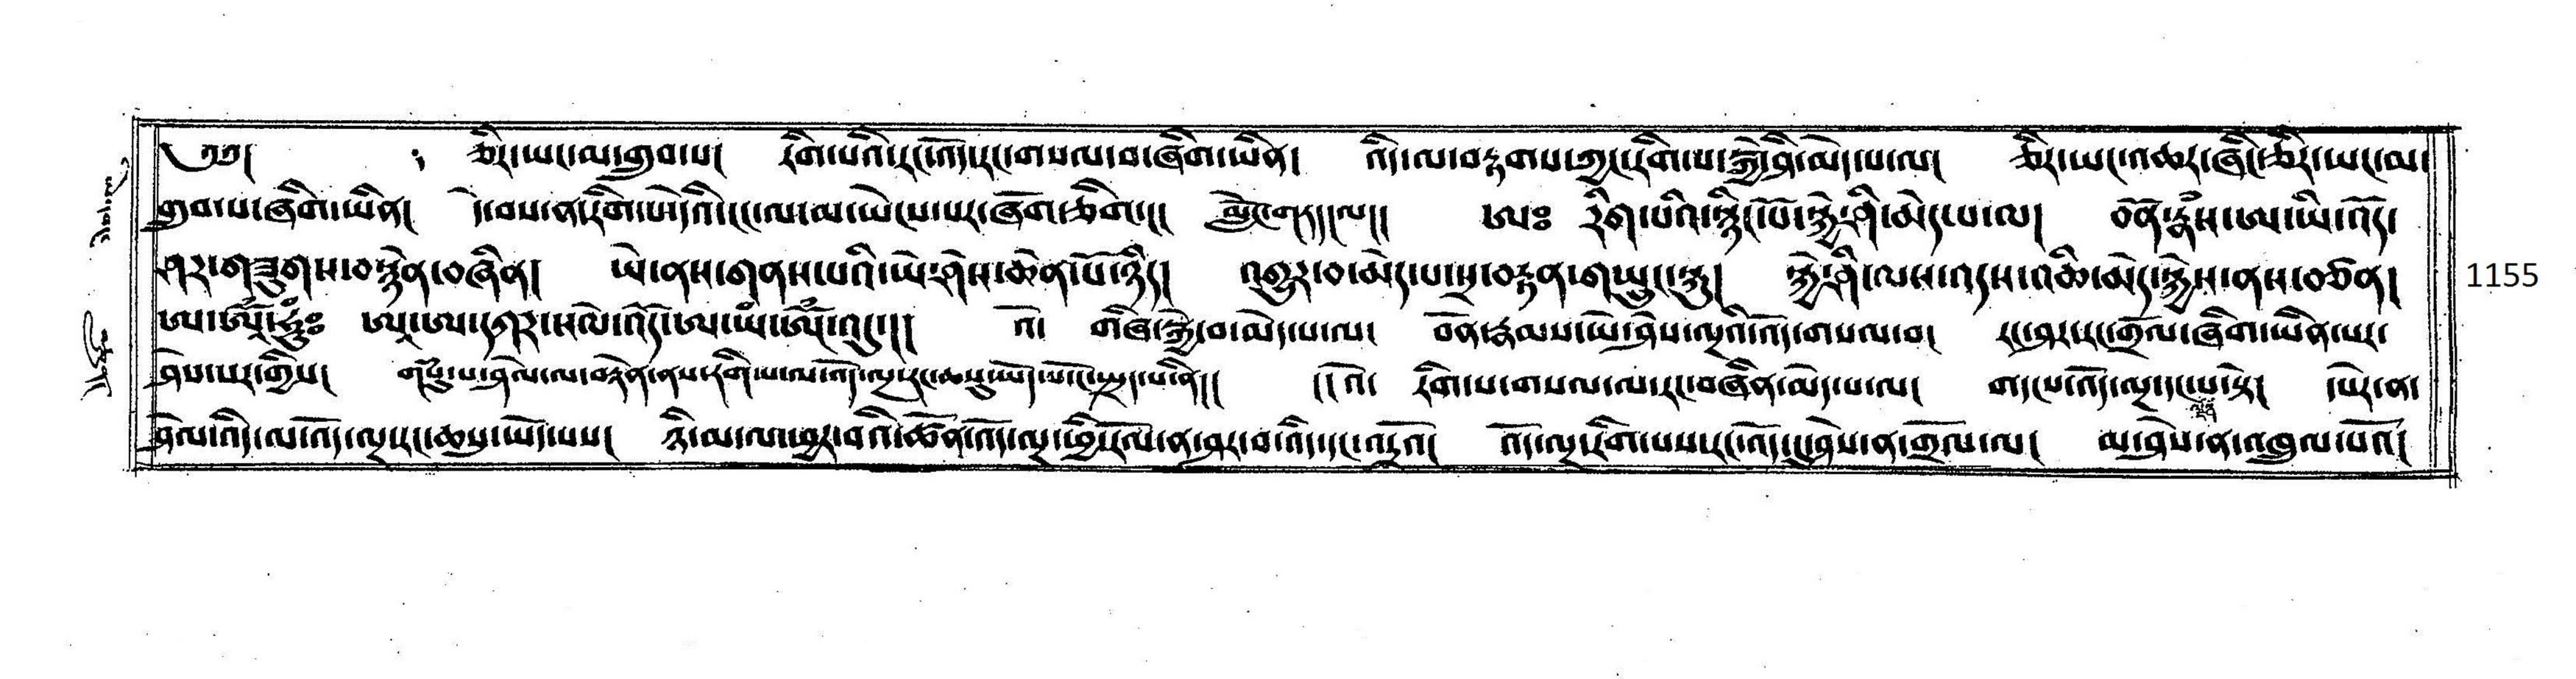ཅིར་ཡང་མ་གྲུབ་པ། རིག་པའི་རང་འོད་རང་གསལ་བ་ཞིག་ཡིན། འདི་ལ་བརྟགས་ཀྱང་རིག་པ་སྐྱེ་ཤི་མེད་པ་ལ། ཅིར་ཡང་འཆར་ཞིང་ཅིར་ཡང་མ་
གྲུབ་པ་ཞིག་ཡིན། དེ་བས་ན་རིག་པ་དེའི་ངང་ལ་མ་ཡེངས་པར་ཞོག་ཅིག མེ་ལོང་གཏད་ལ།། ཨཿ རིག་པའི་སྙིང་པོ་སྐྱེ་ཤི་མེད་པ་ལ། བོན་རྣམས་ཨ་ཡི་འོད་
ཤར་གཟུགས་བརྙན་བཞིན། ཡེ་ནས་གནས་པའི་ཡེ་ཤེས་ཆེན་པོ་ཉིད། འགྱུར་བ་མེད་པ་སྲ་བརྟན་གཡུང་དྲུང་སྐུ། སྐྱེ་ཤི་ལས་འདས་འཆི་མེད་སྐྱེས་ནས་བཙན། 
ཨ་ཨཱོཾ་ཧཱུྃཿ ཨཱ་ཨ་དཀར་སལེ་འོད་ཨ་ཡཾ་ཨཱོཾ་འདུ།། འོ་གཞི་སྐྱེ་བ་མེད་པ་ལ། བོན་རྣམས་ཡེ་ཤེས་ལྔའི་འོད་གསལ་བ། རང་ཤར་རང་གྲོལ་ཞིག་ཡིན་པར་
ཤེས་པར་གྱིས། གསུམ་པ་ཤེལ་ལ་བརྟེན་ནས་རིག་པ་ལ་འོད་ལྔ་རང་ཆས་སུ་ཡོད་པ་ངོ་སྤྲད་པ་ནི།། །།འོ་རིག་པ་གསལ་ལ་རང་བཞིན་མེད་པ་ལ། གདངས་འོད་ལྔ་དང་ལྡན་པ་སྟེ། དཔེར་ན་
ཤེལ་འདི་ལ་འོད་ལྔ་རང་ཆས་སུ་ཡོད་པས། ཉི་མ་ལ་ཕྱར་བའི་ཚོན་འོད་ལྔ་ཕྱི་རོལ་ན་ཤར་བ་འདི་དང་འདྲའོ། འོད་ལྔ་རིག་པས་རང་འོད་དུ་ཤེས་ན་གྲོལ་ལ། མ་ཤེས་ན་འཁྲུལ་པའོ།